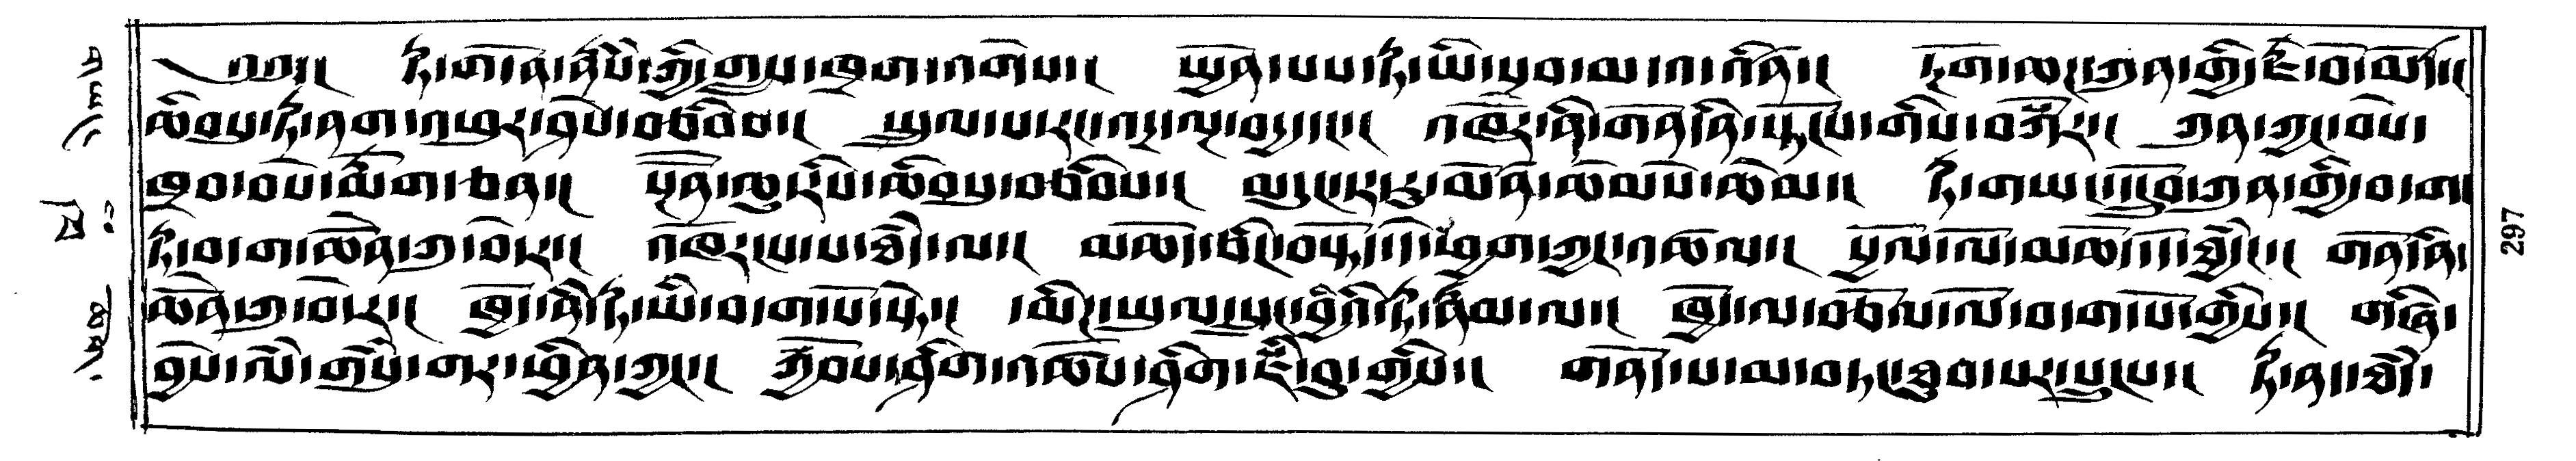རྟ་གདོན་རྣམས་ཀྱི་ཀླད་ཁྲག་འགེམས། །གཡོན་པས་རྟ་ཡི་སྲབ་མདའ་འཛིན། །རྔོག་ཆགས་ཀུན་ཀྱི་རྗེ་བོ་མཛོད། །
ཆིབས་སུ་རྟ་ནག་འཕུར་ཤེས་བཅིབས། །སྤྲུལ་པ་རང་འདྲ་ལྔ་བརྒྱ་དང་། །འཁོར་ནི་གནོད་སྦྱིན་སྟོངས་གིས་བསྐོར། །ཀུན་ཀྱང་བསེ་
ཁྲབ་བསེ་རྨོག་ཅན། །སྔོན་པོ་ཆུ་རིས་ཆིབས་སུ་བཅིབས། མདུང་དར་རུ་མཚོན་ཆེམས་སེ་ཆེམ། །རྟ་གཡང་དངོས་གྲུབ་ཀུན་ཀྱི་བདག 
རྟ་བདག་ཆེན་པོ་ཀུ་བེ་ར། །འཁོར་དང་བཅས་པ་ཐམས་ཅད་ལ། །མཆོད་ཅིང་བསྟོད་དེ་ཕྱག་ཀྱང་འཚལ། །གསོལ་ལོ་མཆོད་དོ་ཐུགས་དམ་བསྐང་། །སྣོད་སྦྱིན་
ཆེན་པོ་ཀུ་བེ་ར། །ཁྱོད་ནི་རྟ་ཡི་བདག་པོ་སྟེ། །དམིགས་ཡུལ་སྲུང་བྱའི་རྟ་རྣམས་ལ། །ཁྱོད་ལ་བཅོལ་ལོ་བདག་པོ་གྱིས། །གཞིས་
བྱེས་ལམ་གསུམ་གར་ཕྱིན་ཀྱང་། །སྐྱོབས་ཤིག་འཚོས་ཤིག་རྫི་བོ་གྱིས། །གནོད་པ་མ་བཏང་ཐུབ་པར་སྲུངས། །རྟ་ནད་ཐམས་ཅད་